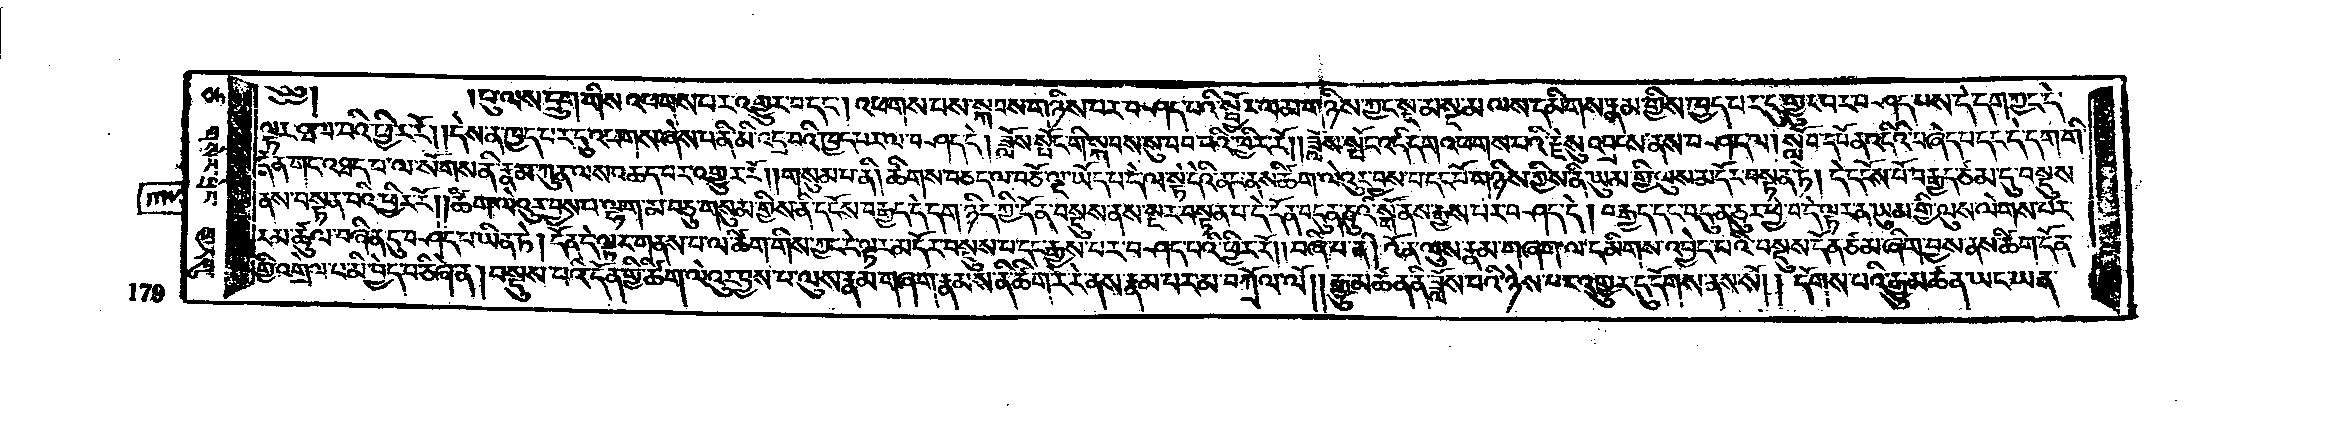༄༅། །པུ་ལས་དྲུག་གིས་འཕགས་པར་འགྱུར་བ་དང་། འཕགས་པས་སྐབས་གཉིས་པར་བཤད་པའི་སྦྱོར་ལམ་གཉིས་ཀྱང་སྔ་མ་སྔ་མ་ལས་དམིགས་རྣམ་གྱིས་ཁྱད་པར་དུ་གྱུར་པར་བཤད་པས་དེ་དག་ཀྱང་དེ་
ལྟར་ཐལ་བའི་ཕྱིར་རོ། །དེས་ན་ཁྱད་པར་དུ་འཕགས་ཞེས་པ་ནི་མི་འདྲ་བའི་ཁྱད་པར་ལ་བཤད་དེ། ཟློས་སྤོང་གི་སྐབས་སུ་བབ་པའི་ཕྱིར་རོ། །ཟློས་སྤོང་འདི་དག་འཕགས་པའི་རྗེས་སུ་འབྲངས་ནས་བཤད་ལ། སློབ་དཔོན་འདིའི་བཞེད་པ་དང་དེ་དག་གི་
དོན་གང་འཐད་པ་ལ་སོགས་ནི་རྣམ་ཀུན་ལས་འཆད་པར་འགྱུར་རོ། །གསུམ་པ་ནི། ཚིགས་བཅད་ལ་བཅོ་ལྔ་ཡོད་པ་དེ་ལ་སྟེ་དེའི་ནང་ནས་ཚིག་ལེའུར་བྱས་པ་དང་པོ་གཉིས་ཀྱིས་ནི་ཡུམ་གྱི་ལུས་མདོར་བསྟན་ཏེ། དེ་དངོས་པོ་བརྒྱད་ཙམ་དུ་བསྡུས་
ནས་བསྟན་པའི་ཕྱིར་རོ། །ཚིག་ལེའུར་བྱས་པ་ལྷག་མ་བཅུ་གསུམ་གྱིས་ནི་དངོས་བརྒྱད་དེ་དག་ཉིད་ཀྱི་དོན་བསྡུས་ནས་སྔར་བསྟན་པ་དེ་དོན་བདུན་ཅུའི་སྒོ་ནས་རྒྱས་པར་བཤད་དེ། བརྒྱད་དང་བདུན་ཅུར་ཕྱེ་བ་དེ་ལྟར་ན་ཡུམ་གྱི་ལུས་ལེགས་པར་
རམ་ཚུལ་བཞིན་དུ་བཤད་པ་ཡིན་ཏེ། དོན་དེ་ལྟར་གནས་པ་ལ་ཚིག་གིས་ཀྱང་དེ་ལྟར་མདོར་བསྡུས་པ་དང་རྒྱས་པར་བཤད་པའི་ཕྱིར་རོ། །བཞི་པ་ནི། འོ་ན་ལུས་རྣམ་གཞག་ལ་དམིགས་འབྱེད་པའི་བསྡུས་དོན་ཙམ་ཞིག་བྱས་ནས་ཚིག་དོན་
གྱི་འགྲེལ་པ་མི་བྱེད་པ་ཅི་ཞེ་ན། བསྡུས་པའི་དོན་གྱི་ཚིག་ལེའུར་བྱས་པ་ལུས་རྣམ་གཞག་རྣམས་ནི་ཚིག་རེ་རེ་ནས་རྣམ་པར་མ་བཀྲོལ་ལོ། །རྒྱུ་མཚན་ནི་ཟློས་པའི་ཉེས་པར་འགྱུར་དུ་དོགས་ནས་སོ། །དོགས་པའི་རྒྱུ་མཚན་ཡང་ཡན་